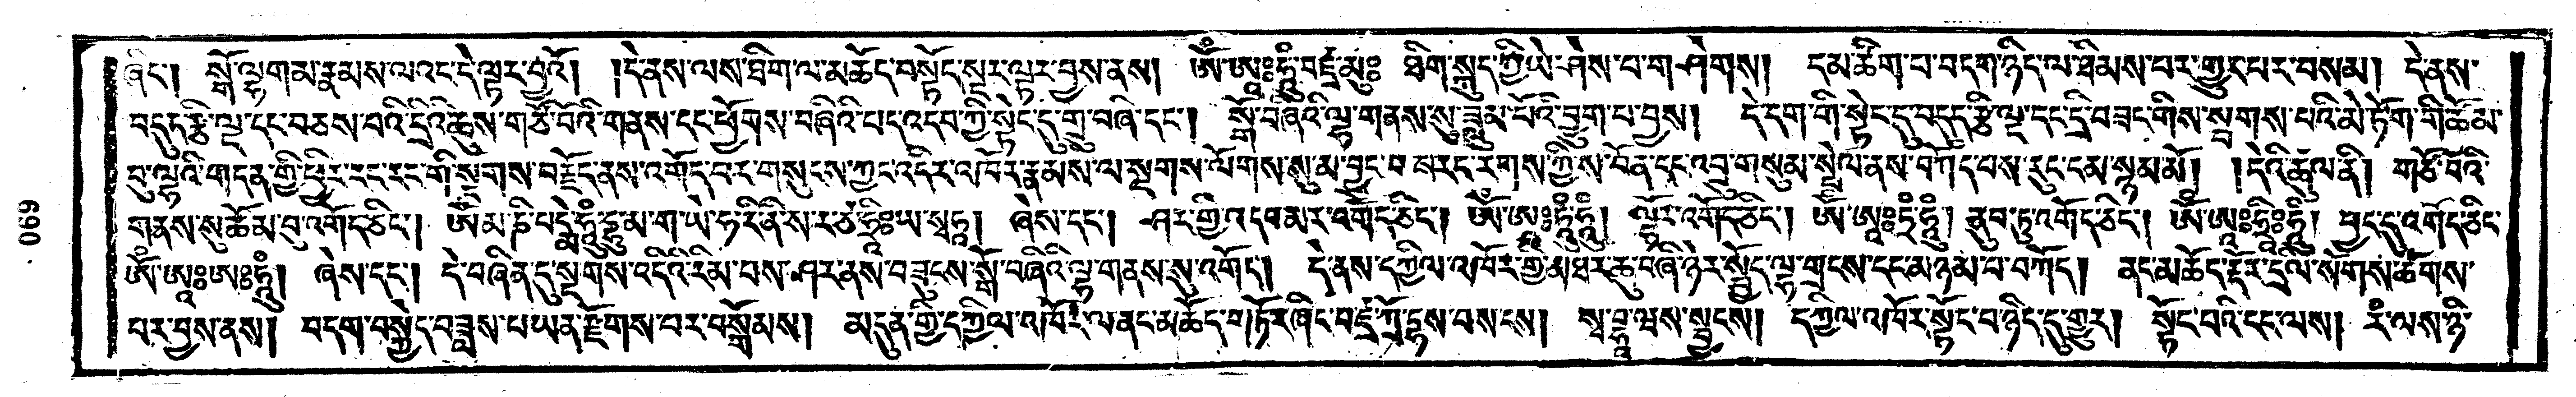ཞིང་། སྒོ་ལྷག་མ་རྣམས་ལའང་དེ་ལྟར་བྱའོ། །དེ་ནས་ལས་ཐིག་ལ་མཆོད་བསྟོད་སྔར་ལྟར་བྱས་ནས། ཨོཾ་ཨཱཿཧཱུཾ་བཛྲ་མུཿ ཐིག་སྐུད་ཀྱི་ཡེ་ཤེས་པ་གཤེགས། དམ་ཚིག་པ་བདག་ཉིད་ལ་ཐིམས་པར་གྱུར་པར་བསམ། དེ་ནས་
བདུད་རྩི་ལྔ་དང་བཅས་པའི་དྲིའི་ཆུས་གཙོ་བོའི་གནས་དང་ཕྱོགས་བཞིའི་པད་འདབ་ཀྱི་སྟེང་དུ་གྲུ་བཞི་དང་། སྒོ་བཞིའི་ལྷ་གནས་སུ་ཟླུམ་པོའི་བྱུག་པ་བྱས། དེ་དག་གི་སྟེང་དུ་བདུད་རྩི་ལྔ་དང་དྲི་བཟང་གིས་སྦགས་པའི་མེ་ཏོག་གི་ཚོམ་
བུ་ལྷའི་གདན་གྱི་ཕྱིར་རང་རང་གི་སྔགས་བརྗོད་ནས་འགོད་པར་གསུངས་ཀྱང་འདིར་འཁྲོ་རྣམས་ལ་སྔགས་ལོགས་སུ་མ་བྱུང་བས་རང་རིགས་ཀྱི་ས་བོན་དང་འབྲུ་གསུམ་སྤེལ་ནས་བཀོད་པས་རུང་ངམ་སྙམ་མོ། །དེའི་ཚུལ་ནི། གཙོ་བོའི་
གནས་སུ་སྟོམ་བུ་འགོད་ཅིང་། ཨོཾ་ཎི་པདམེ་ཧཱུཾ་ཧཱུཾ་མ་ག་ཡེ་ཧ་རི་ནི་ས་ར་ཙ་ཧྲཱིཿ ཡ་སྭཧཱ། ཞེས་དང་། ཤར་གྱི་འདབ་མར་འགོད་ཅིང་། ཨོཾ་ཨཱཿཧཱུཾ་ཧཱུཾ། ལྷོར་འགོད་ཅིང་། ཨོཾ་ཨཱཿཏྲཾ་ཧཱུཾ། ནུབ་ཏུ་འགོད་ཅིང་། ཨོཾ་ཨཱཿཧྲཱིཿཧཱུཾ། བྱང་དུ་འགོད་ཅིང་
ཨོཾ་ཨཱཿཨཿཧཱུཾ། ཞེས་དང་། དེ་བཞིན་དུ་སྔགས་འདིའི་རིམ་པས་ཤར་ནས་བཟུངས་སྒོ་བཞིའི་ལྷ་གནས་སུ་འགོད། དེ་ནས་དཀྱིལ་འཁོར་གྱི་མཐར་ཆུ་བཞི་ཉེར་སྤྱོད་ལྷ་གྲངས་དང་མཉམ་པ་བཀོད། ནང་མཆོད་རྡོར་དྲིལ་སོགས་ཚོགས་
བར་བྱས་ནས། བདག་བསྐྱེད་བཟླས་པ་ཡན་རྫོགས་པར་བསྒོམས། མདུན་གྱི་དཀྱིལ་འཁོར་ལ་ནང་མཆོད་གཏོར་ཞིང་བཛྲ་ཀྲོ་དྷས་བསངས། སྭ་བྷཱ་ཝས་སྦྱངས། དཀྱིལ་འཁོར་སྟོང་པ་ཉིད་དུ་གྱུར། སྟོང་པའི་ངང་ལས། རཾ་ལས་ཉི་